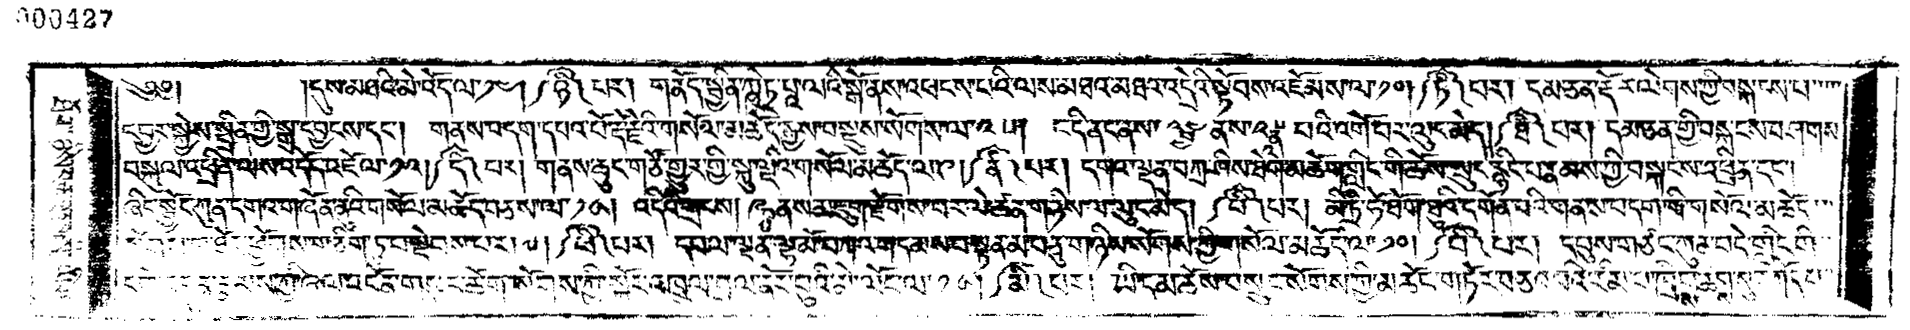༄༅། །དུས་མཐའི་མེ་འོད་ལ ༡༤། ༼ཉི༽ པར། གནོད་སྦྱིན་ཀྵེཏྲ་པའི་ལའི་སྒོ་ནས་འཕངས་པའི་ལས་མཐའ་མཐའ་འདྲེའི་སྟོབས་འཇོམས་ལ ༡༠། ༼ཏི༽ པར། དམ་ཅན་རྡོར་ལེགས་ཀྱི་བསྐངས་པ་
དབྱར་སྐྱེས་སྤྲིན་གྱི་སྒྲ་དབྱངས་དང་། གནས་བདག་དཔའ་པོ་རྡོ་རྗེའི་གསོལ་མཆོད་རྒྱས་བསྡུས་སོགས་ལ༢༥། འདི་ནང་ནས ༢༤བ༤་ནས ༢༥ན༢་པའི་འགོ་བར་ལུང་མེད། ༼ཐི༽ པར། དམ་ཅན་གྱི་བསྐངས་བཤགས་
བསྐུལ་འཕྲིན་ལས་འདོད་འཇོལ ༡༢། ༼དི༽ པར། གནས་ཆུང་གཙོ་གྱུར་གྱི་སྐུ་ལྔའི་གསོལ་མཆོད་ལ ༩། ༼ནི༽ པར། དཀའ་ལྡན་བཀྲ་ཤིས་ཐེག་མཆོག་གླིང་གི་ཆོས་སྲུང་རྙིང་པ་རྣམས་ཀྱི་བསྐངས་འཕྲིན་དང་།
ཞིང་སྤྱོད་ཀུན་དགའ་གཞོན་ནུའི་གསོལ་མཆོད་བཅས་ལ ༡༦། འདིའི་གྲངས། ༩་བ༧་ནས་མཇུག་རྫོགས་པར་ལེ་ཚན་གཉིས་ལ་ལུང་མེད། ༼པི༽ པར། མིཏྲི་ཧོ་ཐོག་ཐུའི་དགོན་པའི་གནས་བདག་གི་གསོལ་མཆོད་
སོགས་ཁ་ཐོར་ཕྱོགས་གཅིག་ཏུ་བསྡེབས་པར། ༧། ༼ཕི༽ པར། དཔལ་ལྡན་ལྷ་མོ་བཀའ་གདམས་བསྟན་མ་བཅུ་གཉིས་སོགས་ཀྱི་གསོལ་མཆོད་ལ ༡༠། ༼པི༽ པར། དབུས་གཙང་ཀུན་བདེ་གླིང་གི་
དགེ་འདུན་རྣམས་ཀྱི་ཞལ་འདོན་གསུང་ཆོ་ག་སོགས་ཀྱི་སྐོར་འཁྲུལ་བྲལ་ནོར་བུའི་མེ་ལོང་ལ ༡༦། ༼མི༽ པར། ཡི་དམ་ཆོས་བསྲུང་སོགས་ཀྱི་མཆོད་གཏོར་བཅའ་བའི་རིམ་པ་ཁྲིགས་ཆགས་སུ་བཀོད་པ་